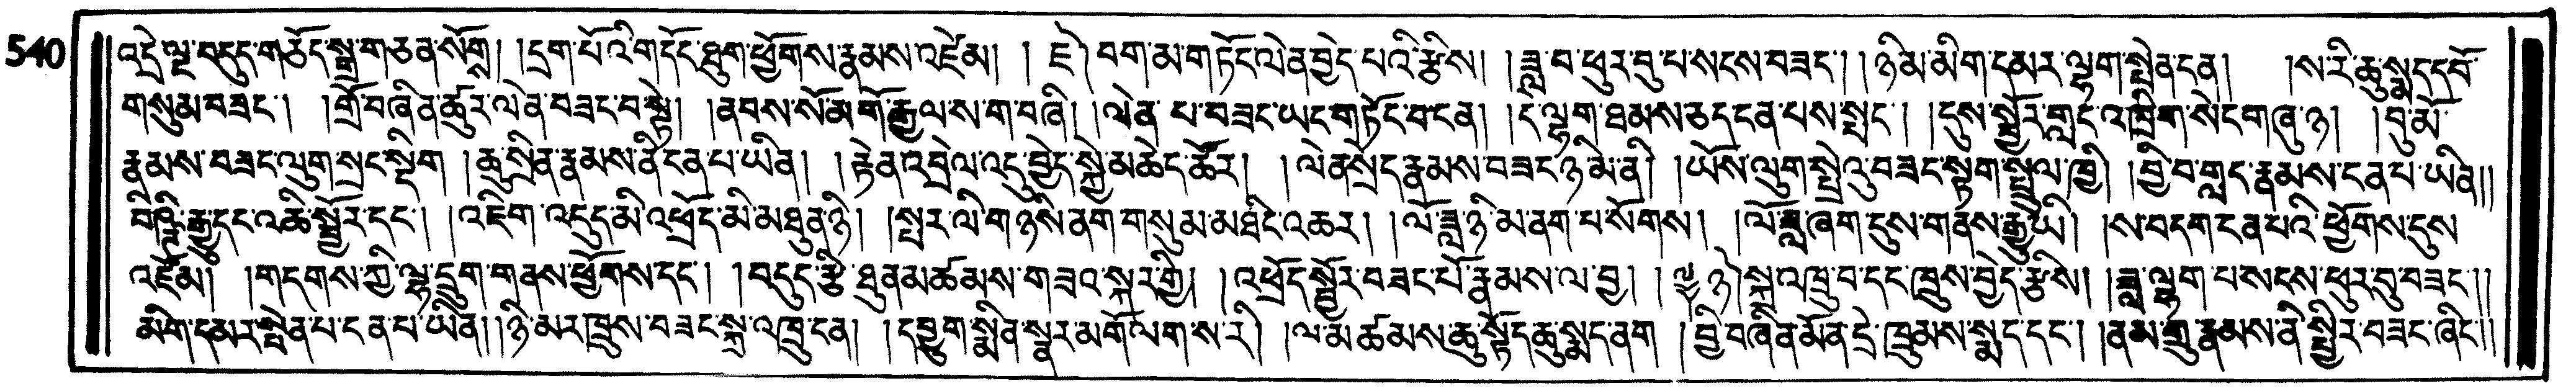འདྲེ་ལྔ་བདུད་གཅོད་སྒྲ་གཅན་སོགས། །དྲག་པོའི་གདོང་ཐུག་ཕྱོགས་རྣམས་འཛེམ། ། ཇ་བག་མ་གཏོང་ལེན་བྱེད་པའི་རྩིས། །ཟླ་བ་ཕུར་བུ་པ་སངས་བཟང་། །ཉི་མ་མིག་དམར་ལྷག་སྤེན་ངན། །ས་རི་ཆུ་སྨད་དབོ་
གསུམ་བཟང་། །གྲོ་བཞིན་ཚུར་ལེན་བཟང་བ་སྟེ། །ནབས་སོ་མགོ་རྒྱལ་ས་ག་བཞི། །ལེན་པ་བཟང་ཡང་གཏོང་བ་ངན། །དེ་ལྷག་ཐམས་ཅད་ངན་པས་སྤང་། །དུས་སྦྱོར་གླང་འཁྲིག་སེང་གཞུ་ཉ། །བུ་མོ་
རྣམས་བཟང་ལུག་སྲང་སྡིག །ཆུ་སྲིན་རྣམས་ནི་ངན་པ་ཡིན། །རྟེན་འབྲེལ་འདུ་བྱེད་སྐྱེ་མཆེད་ཚོར། །ལེན་སྲེད་རྣམས་བཟང་ཉི་མ་ནི། །ཡོས་ལུག་སྤྲེའུ་བཟང་སྟག་སྤྲུལ་ཁྱི། །བྱི་བ་གླང་རྣམས་ངན་པ་ཡིན། །
བིཥྚི་རྒྱུ་དང་འཆི་སྦྱོར་དང་། །འཇིག་འདུད་མི་འཕྲོད་མི་མཐུན་ཉི། །སྤར་ལི་གཉིས་ནག་གསུམ་མཐིང་འཆར། །ལོ་ཟླ་ཉི་མ་ནག་པ་སོགས། །ལོ་ཟླ་ཞག་དུས་གནས་རྒྱུ་ཡི། །ས་བདག་ངན་པའི་ཕྱོགས་དུས་
འཛོམ། །གདགས་ཀྱི་ལྷ་དྲུག་གནས་ཕྱོགས་དང་། །བདུད་རྩི་ཐུན་མཚམས་གཟའ་སྐར་གྱི། །འཕྲོད་སྦྱོར་བཟང་པོ་རྣམས་ལ་བྱ། ། འ་ཉ་སྐྲ་འཁྲུ་བ་དང་ཁྲུས་བྱེད་རྩིས། །ཟླ་ལྷག་པ་སངས་ཕུར་བུ་བཟང་། །
མིག་དམར་སྤེན་པ་ངན་པ་ཡིན། །ཉི་མར་ཁྲུས་བཟང་སྐྲ་འཁྲུ་ངན། །དབྱུག་སྨིན་སྣར་མགོ་ལག་ས་རི། །ལ་མཚམས་ཆུ་སྟོད་ཆུ་སྨད་ནག །བྱི་བཞིན་མོན་དྲེ་ཁྲུམས་སྨད་དང་། །ནམ་གྲུ་རྣམས་ནི་སྤྱིར་བཟང་ཞིང་། །